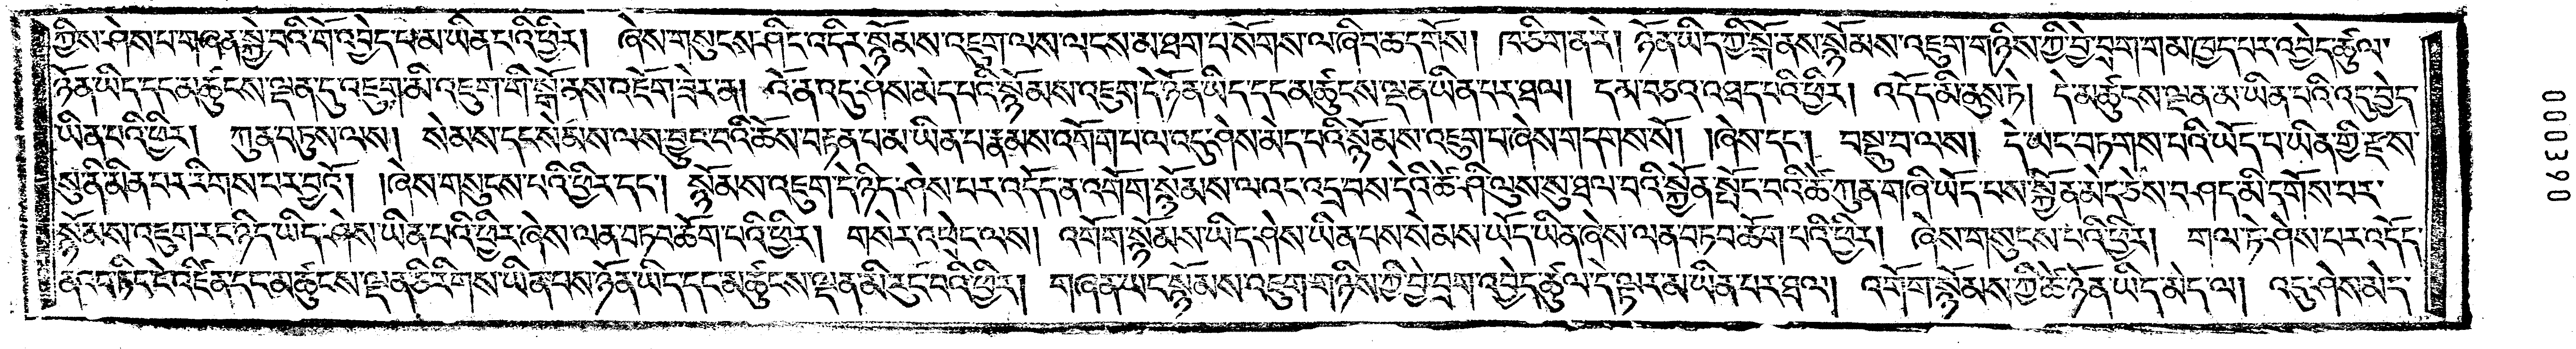ཀྱིས་ཤེས་པ་གཞན་སྐྱེ་བའི་གོ་འབྱེད་པ་མ་ཡིན་པའི་ཕྱིར། ཞེས་གསུངས་ཤིང་འདིར་སྙོམས་འཇུག་ལས་ལངས་མ་ཐག་པ་སོགས་ལ་ཞིབ་ཆ་དགོས། ཁ་ཅིག་ན་རེ། ཉོན་ཡིད་ཀྱི་སྒོ་ནས་སྙོམས་འཇུག་གཉིས་ཀྱི་བྱེ་བྲག་མ་ཁྱད་པར་འབྱེད་ཚུལ་
ཉོན་ཡིད་དང་མཚུངས་ལྡན་དུ་འཇུག་མི་འཇུག་གི་སྒོ་ནས་འཇོག་ཟེར་ན། འོ་ན་འདུ་ཤེས་མེད་པའི་སྙོམས་འཇུག་དེ་ཉོན་ཡིད་དང་མཚུངས་ལྡན་ཡིན་པར་ཐལ། དམ་བཅའ་འཐད་པའི་ཕྱིར། འདོད་མི་ནུས་ཏེ། དེ་མཚུངས་ལྡན་མ་ཡིན་པའི་འདུ་བྱེད་
ཡིན་པའི་ཕྱིར། ཀུན་བཏུས་ལས། སེམས་དང་སེམས་ལས་བྱུང་བའི་ཆོས་བརྟན་པ་མ་ཡིན་པ་རྣམས་འགོག་པ་ལ་འདུ་ཤེས་མེད་པའི་སྙོམས་འཇུག་བ་ཞེས་གདགས་སོ། །ཞེས་དང་། བསྡུ་བ་ལས། དེ་ཡང་བཏགས་པའི་ཡོད་པ་ཡིན་གྱི་རྫས་
སུ་ནི་མིན་པར་རིགས་པར་བྱའོ། །ཞེས་གསུངས་པའི་ཕྱིར་དང་། སྙོམས་འཇུག་དེ་ཉིད་ཤེས་པར་འདོད་ན་འགོག་སྙོམས་ལའང་འདྲ་བས་དེའི་ཚེ་ཤི་ལུས་སུ་ཐལ་བའི་སྐྱོན་སྤོང་བའི་ཚེ་ཀུན་གཞི་ཡོད་བས་སྐྱོན་མེད་ཅེས་བཤད་མི་དགོས་པར་
སྙོམས་འཇུག་རང་ཉིད་ཡིད་ཤེས་ཡིན་པའི་ཕྱིར་ཞེས་ལན་བཏབ་ཆོ་ག་པའི་ཕྱིར། གསེར་འཕྲེང་ལས། འགོག་སྙོམས་ཡིད་ཤེས་ཡིན་པས་སེམས་ཡོད་ཡིན་ཞེས་ལན་བཏབ་ཆོག་པའི་ཕྱིར། ཞེས་གསུངས་པའི་ཕྱིར། གལ་ཏེ་ཤེས་པར་འདོད་
ནའང་ཏིང་ངེ་འཛིན་དང་མཚུངས་ལྡན་ཅི་རིགས་ཡིན་པས་ཉོན་ཡིད་དང་མཚུངས་ལྡན་མི་རུང་བའི་ཕྱིར། གཞན་ཡང་སྙོམས་འཇུག་གཉིས་ཀྱི་བྱེ་བྲག་འབྱེད་ཚུལ་དེ་ལྟར་མ་ཡིན་པར་ཐལ། འགོག་སྙོམས་ཀྱི་ཚེ་ཉོན་ཡིད་མེད་ལ། འདུ་ཤེས་མེད་